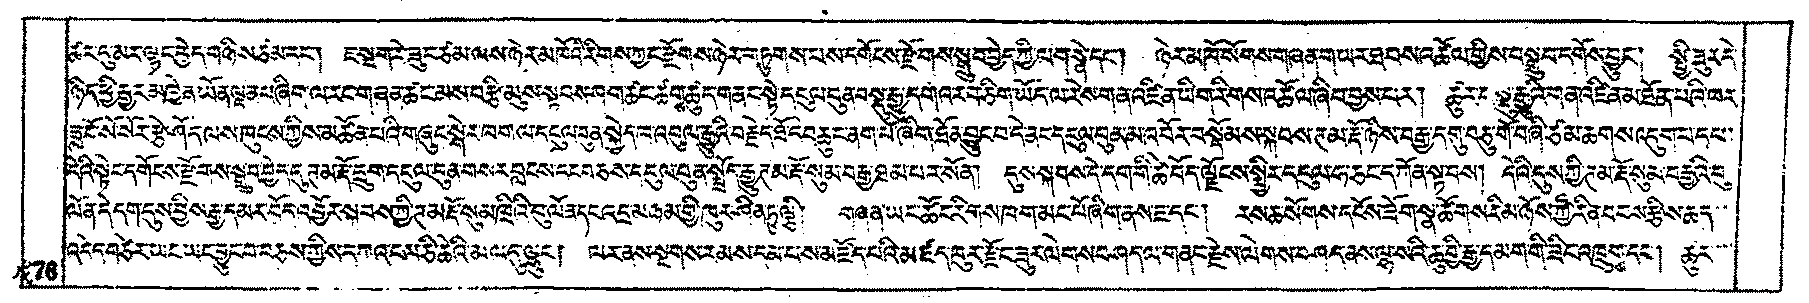ཚང་དུ་མར་ལྟང་ཕྱེད་གཉིས་ཙམ་དང་། ཇ་སྦག་རེ་ཟུང་ཙམ་ལས་ཉེར་མཁོའི་རིགས་ཀྱང་རྫོགས་ཉེར་གཏུགས་པས་དགོངས་རྫོགས་སྒྲུབ་བྱེད་ཀྱི་ལག་སྣེ་དང་། ཉེར་མཁོ་སོགས་གཞན་གཡར་ཐབས་འཚོལ་གྱིས་བསྒྲུབ་དགོས་བྱུང་། སྤྱི་ཟུར་དེ་
ཉིད་ཕྱི་རྒྱར་མཁྱེན་ཡོན་ལྡན་པ་ཞིག་ལ་རང་གཞན་ཚང་མས་བརྩི་མུས་སྟབས་ཤག་ཚང་ཚགས་ཚུད་གནང་སྟེ་དངུལ་བུན་བསྡུ་རྒྱུ་དགའ་རབ་ཅིག་ཡོད་ལ་རེས་གན་འཛིན་ཡིག་རིགས་འཚོལ་ཞིབ་བྱས་པར། ཚུར་བསྡུ་རྒྱུའི་གན་འཛིན་མ་ཐོན་པའི་ཁར་
ཟླ་ངོ་སོ་སོར་རྩེ་ཤོད་ལས་ཁུངས་ཀྱིས་མཚོན་པའི་གཞུང་སྒེར་ཁག་ལ་དངུལ་བུན་སྐྱེད་ཁ་འབུལ་རྒྱུའི་བརྗེད་ཐོ་དེབ་ཆུང་ནག་པོ་ཞིག་ཐོན་བྱུང་བ་དེ་ནང་དངུལ་བུན་མ་འབོར་བསྡོམས་སྐབས་ཊམ་རྡོ་ཉིས་བརྒྱ་དགུ་བཅུ་གོ་བཞི་ཙམ་ཆགས་འདུག་པ་དང་།
དེའི་སྟེང་དགོངས་རྫོགས་སྒྲུབ་བྱེད་དུ་ཊམ་རྡོ་དྲུག་དངུལ་བུན་གསར་བླངས་དང་བཅས་དངུལ་བུན་སྤྲོད་རྒྱུ་ཊམ་རྡོ་སུམ་བརྒྱ་ཐམ་པར་སོན། དུས་སྐབས་དེ་དག་གི་ཚེ་བོད་ལྗོངས་སྤྱིར་དངུལ་ཧ་ཅང་དཀོན་སྟབས། དེའི་དུས་ཀྱི་ཊམ་རྡོ་སུམ་བརྒྱའི་བུ་
ལོན་དེ་དག་དུས་ཕྱིས་རྒྱ་དམར་བོད་འབྱོར་སྐབས་ཀྱི་ཊམ་རྡོ་སུམ་ཁྲིའི་བུ་ལོན་དང་འདྲ་མཉམ་གྱི་ཁུར་ཤིན་ཏུ་ལྕི། གཞན་ཡང་ཚོང་རིགས་ཁག་མང་པོ་ཞིག་ནས་ཇ་དང་། རས་ཆ་སོགས་དངོས་ཟོག་སྣ་ཚོགས་རིམ་ཉོས་ཀྱི་རིན་བབས་རྩིས་ཆད་
འདེད་གཙེར་ཡང་ཡང་བྱུང་བ་བཅས་ཀྱིས་དཀའ་ངལ་ཅི་ཆེའི་མལ་དུ་ལྷུང་། ལར་ནས་སྔགས་རམས་དམ་པས་མཛོད་པའི་མཛད་ཁུར་རྫོང་ཟུར་ལེགས་བཤད་ལ་གནང་རྗེས་ལེགས་བཤད་ནས་ལྷ་སའི་ཆུ་བྱི་རྒྱ་དམག་གི་ཟིང་འཁྲུགས་དང་། ཚུར་